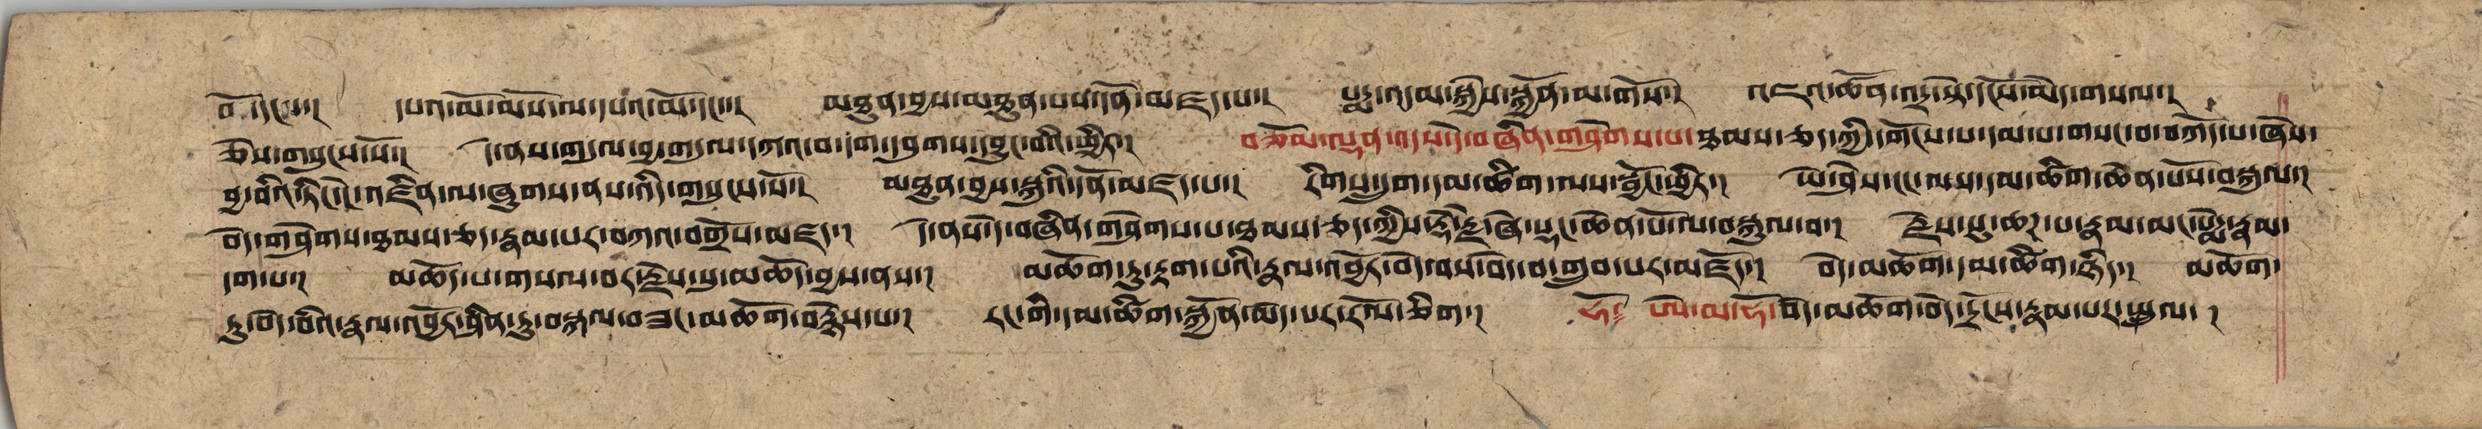བོ་དང་་། དཔའ་མོ་མོས་ལ་དཔའ་མོ་དང་་། མཐུན་བྱས་མཐུན་པས་དོན་མཛད་པ་། པདྨ་འདམ་སྐྱེས་སྐྱོན་མ་གོས་། འཇའ་ཚོན་འདྲ་སྟེ་དངོས་མེད་གསལ་།
ཅེས་གསུངས་སོ་། དེ་ནས་གདུལ་བྱ་གདུལ་དཀའ་བ་དག་དབུགས་དབྱུང་བའི་ཕྱིར་། བཅོམ་ལྡན་འདས་དེ་བཞིན་གཤེགས་པ་ཐམས་ཅད་ཀྱི་དགོངས་པ་དམ་པ་གསང་བ་བཀོད་པ་ཞེས་
བྱ་བའི་ཏིང་ངེ་འཛིན་ལ་ཞུགས་ནས་འདི་གསུངས་སོ་། མཐུན་བྱས་སྐུའི་དོན་མཛད་པ་། རིགས་དྲུག་དམ་ཚིག་ལས་སྦྱོང་ཕྱིར་། ཡེ་ཤེས་ངང་ལས་དམ་ཚིག་ཆེན་པོས་བསྐུལ་།
བདེ་གཤེགས་ཐམས་ཅད་རྣམ་པར་བཀའ་བགྲོས་མཛད་། དེ་ནས་དེ་བཞིན་གཤེགས་པ་ཐམས་ཅད་ཀྱིས་རྡོ་རྗེ་ཞེ་སྡང་ཆེན་པོ་ལ་བསྐུལ་བ་། རྗེས་སུ་ཆཌ་པ་རྣམ་མང་པདྨེ་རྣམ་
དག་པ་། མཆོད་པ་གསལ་བར་རྗེས་སུ་མཆོད་བྱས་ནས་། མཆོག་ཏུ་རྟག་པའི་རྣལ་འབྱོར་བདེ་བས་བདེ་བ་གྲུབ་པར་མཛོ་། བདེ་མཆོག་དམ་ཚིག་ཉིད་། མཆོག་
ཏུ་བདེ་བའི་རྣལ་འབྱོར་ཤིན་ཏུ་བསྐལ་བཟང་མཆོག་བརྙེས་པ་། རང་གི་དམ་ཚིག་སྐྱོན་མེད་པར་རོལ་ཅིག་། ཧོ་ ཨེ་མ་ཧོ་བདེ་མཆོག་བདེ་དྲོངས་རྣ་པར་སྤྲུལ་།